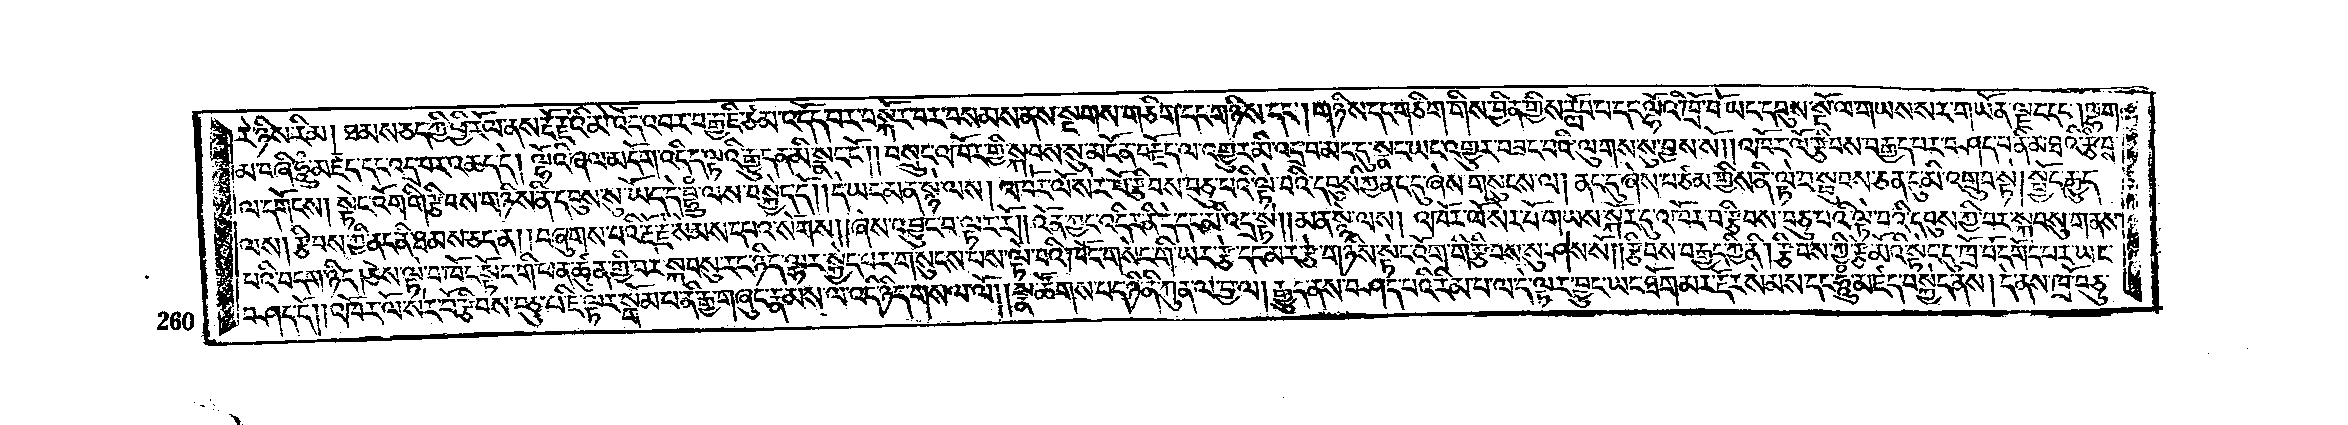རེ་ཉིས་རིམ། ཐམས་ཅད་ཀྱི་ཕྱི་རོལ་ནས་རྡོ་རྗེའི་མེ་འོད་འབར་བ་རྒྱ་ཇི་ཙམ་འདོད་པར་བསྐོར་བར་བསམས་ནས་སྔགས་གཅིག་དང་གཉིས་དང་། གཉིས་དང་གཅིག་གིས་བྱིན་གྱིས་རློབ་པ་དང་ལྷོའི་ཁྲོ་བོ་ཡང་དབུས་སྔོ་ལ་གཡས་སར་གཡོན་ལྗང་དང་། ལྷག་
མ་བཞི་ཧཱུཾ་མཛད་དང་འདྲ་བར་འཆད་དེ། ལྷོའི་ཞལ་མདོག་འདི་ད་ལྟའི་རྒྱུད་ན་མི་སྣང་ངོ། །བསྲུང་འཁོར་གྱི་སྐབས་སུ་མངོན་བརྗོད་ལ་འགྱུར་མི་འདྲ་བ་མང་དུ་སྣང་ཡང་འགྱུར་བཟང་བའི་ལུགས་སུ་བྱས་སོ། །འཁོར་ལོ་རྩིབས་བརྒྱད་པར་བཤད་པ་ནི་མཐའི་རྩིབས་
ལ་དགོངས། སྟེང་འོག་གི་རྩིབས་གཉིས་ནི་དབུས་སུ་ཡོད་དེ་བྷྲུཾ་ལས་བསྐྱེད་དོ། །དེ་ཡང་མན་སྙེ་ལས། འཁོར་ལོ་སེར་པོ་རྩིབས་བཅུ་པའི་ལྟེ་བའི་དབུས་ཀྱི་ནང་དུ་ཞེས་གསུངས་ལ། ནང་དུ་ཞེས་པ་ཙམ་གྱིས་ནི་ལྟེ་བ་སྦུབས་ཅན་དུ་མི་འགྲུབ་སྟེ། སྤྱོད་རྒྱུད་
ལས། རྩིབས་ཀྱི་ནང་ནི་ཐམས་ཅད་ན། །བཞུགས་པའི་རྡོ་རྗེ་སེམས་དཔའ་སོགས། །ཞེས་འབྱུང་བ་ལྟར་རོ། །འོན་ཀྱང་འདིར་ནི་དེ་དང་མི་འདྲ་སྟེ། །མན་སྙེ་ལས། འཁོར་ལོ་སེར་པོ་གཡས་སྐོར་དུ་འཁོར་བ་རྩིབས་བཅུ་པའི་ལྟེ་བའི་དབུས་ཀྱི་བར་སྐབས་སུ་གནས་
པའི་བདག་གཉིད། ཅེས་ལྟེ་བ་ཁོང་སྟོང་གི་ཕན་ཚུན་གྱི་བར་སྐབས་སུ་རང་ཉིད་ལྷར་སྐྱེད་པར་གསུངས་པས་ལྟེ་བའི་ཁོང་གསེང་གི་ཡར་རྩེ་དང་མར་རྩེ་གཉིས་སྟེང་འོག་གི་རྩིབས་སུ་ཤེས་སོ། །རྩིབས་བརྒྱད་ཀྱི་ནི། རྩིབས་ཀྱི་རྩེ་མོའི་སྟེང་དུ་ཁྲོ་བོ་དགོད་པར་ཡང་
བཤད་དོ། །འཁོར་ལོ་སེར་པོ་རྩིབས་བཅུ་པ་ཇི་ལྟར་སྒོམ་པ་ནི་རྒྱ་གཞུང་རྣམས་ལ་འདི་ཉིད་གསལ་ལོ། །སྣ་ཚོགས་པད་ཉི་ནི་ཀུན་ལ་བྱ་ལ། རྒྱུད་ནས་བཤད་པའི་རིམ་པ་ལ་དེ་ལྟར་བྱུང་ཡང་ཐོག་མར་རྡོར་སེམས་དང་ཧཱུཾ་མཛད་བསྐྱེད་ནས། དེ་ནས་ཁྲོ་བཅུ་